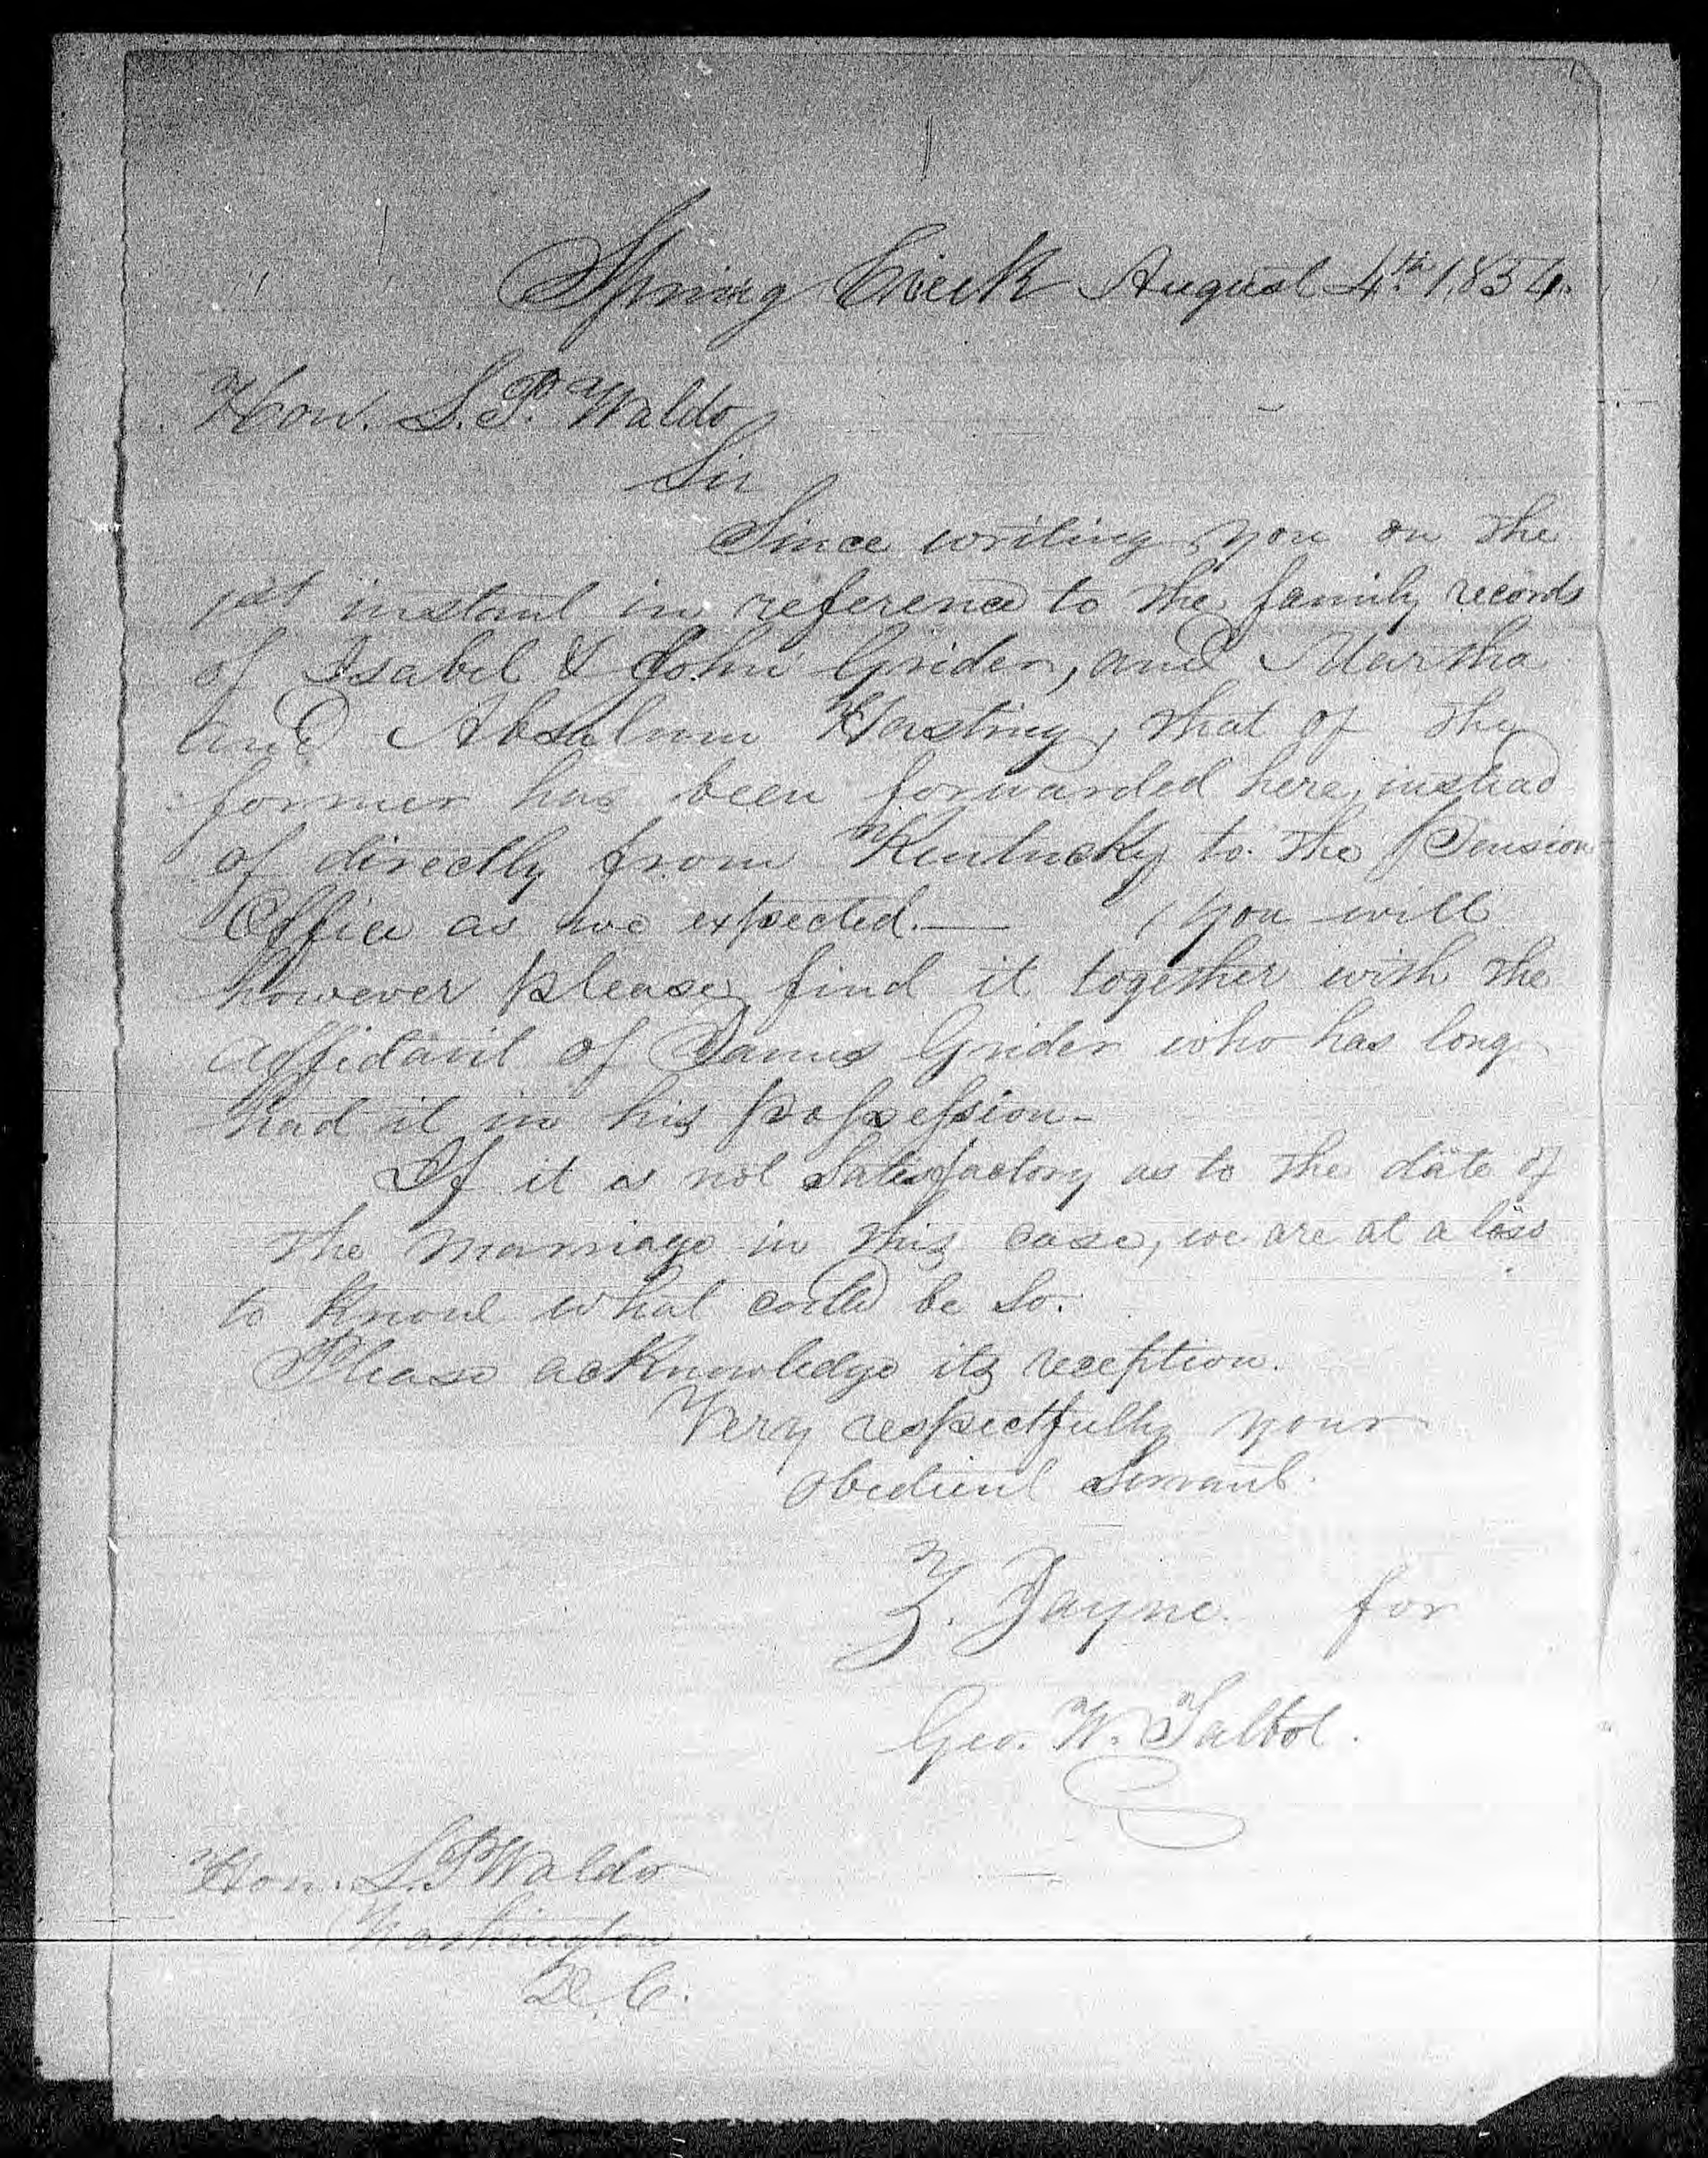Spring Creek August 4th 1834

Hon L. P. Waldo

Sir

Since writing you on the [illegible] instant in reference to the family records of Isabel and John Grider, and Martha and Absalum Hasting, that of the former has been forwarded here instead of directly from Kentucky to the pension office as we expected.  You will however please find it together with the affidavit of James Grider who has long had it in his possession.
     If it is not satisfactory as to the date of the marriage in this case, we are at a loss to know what could be so.
Please acknowledge its reception.
Very Respectuflly your 
obedient servant
Z Payne for Geo. W. Talbot

Hon L.P.Waldo
Washington City
D.C.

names: Isabel Grider, L P Waldo, Z Jayne, L P Waldo, Absalum Hasting, Martha Hasting, John Grider, James Grider, Geo W Talbot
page: 69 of 91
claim: widow's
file: W 358, John Grider, N.C.